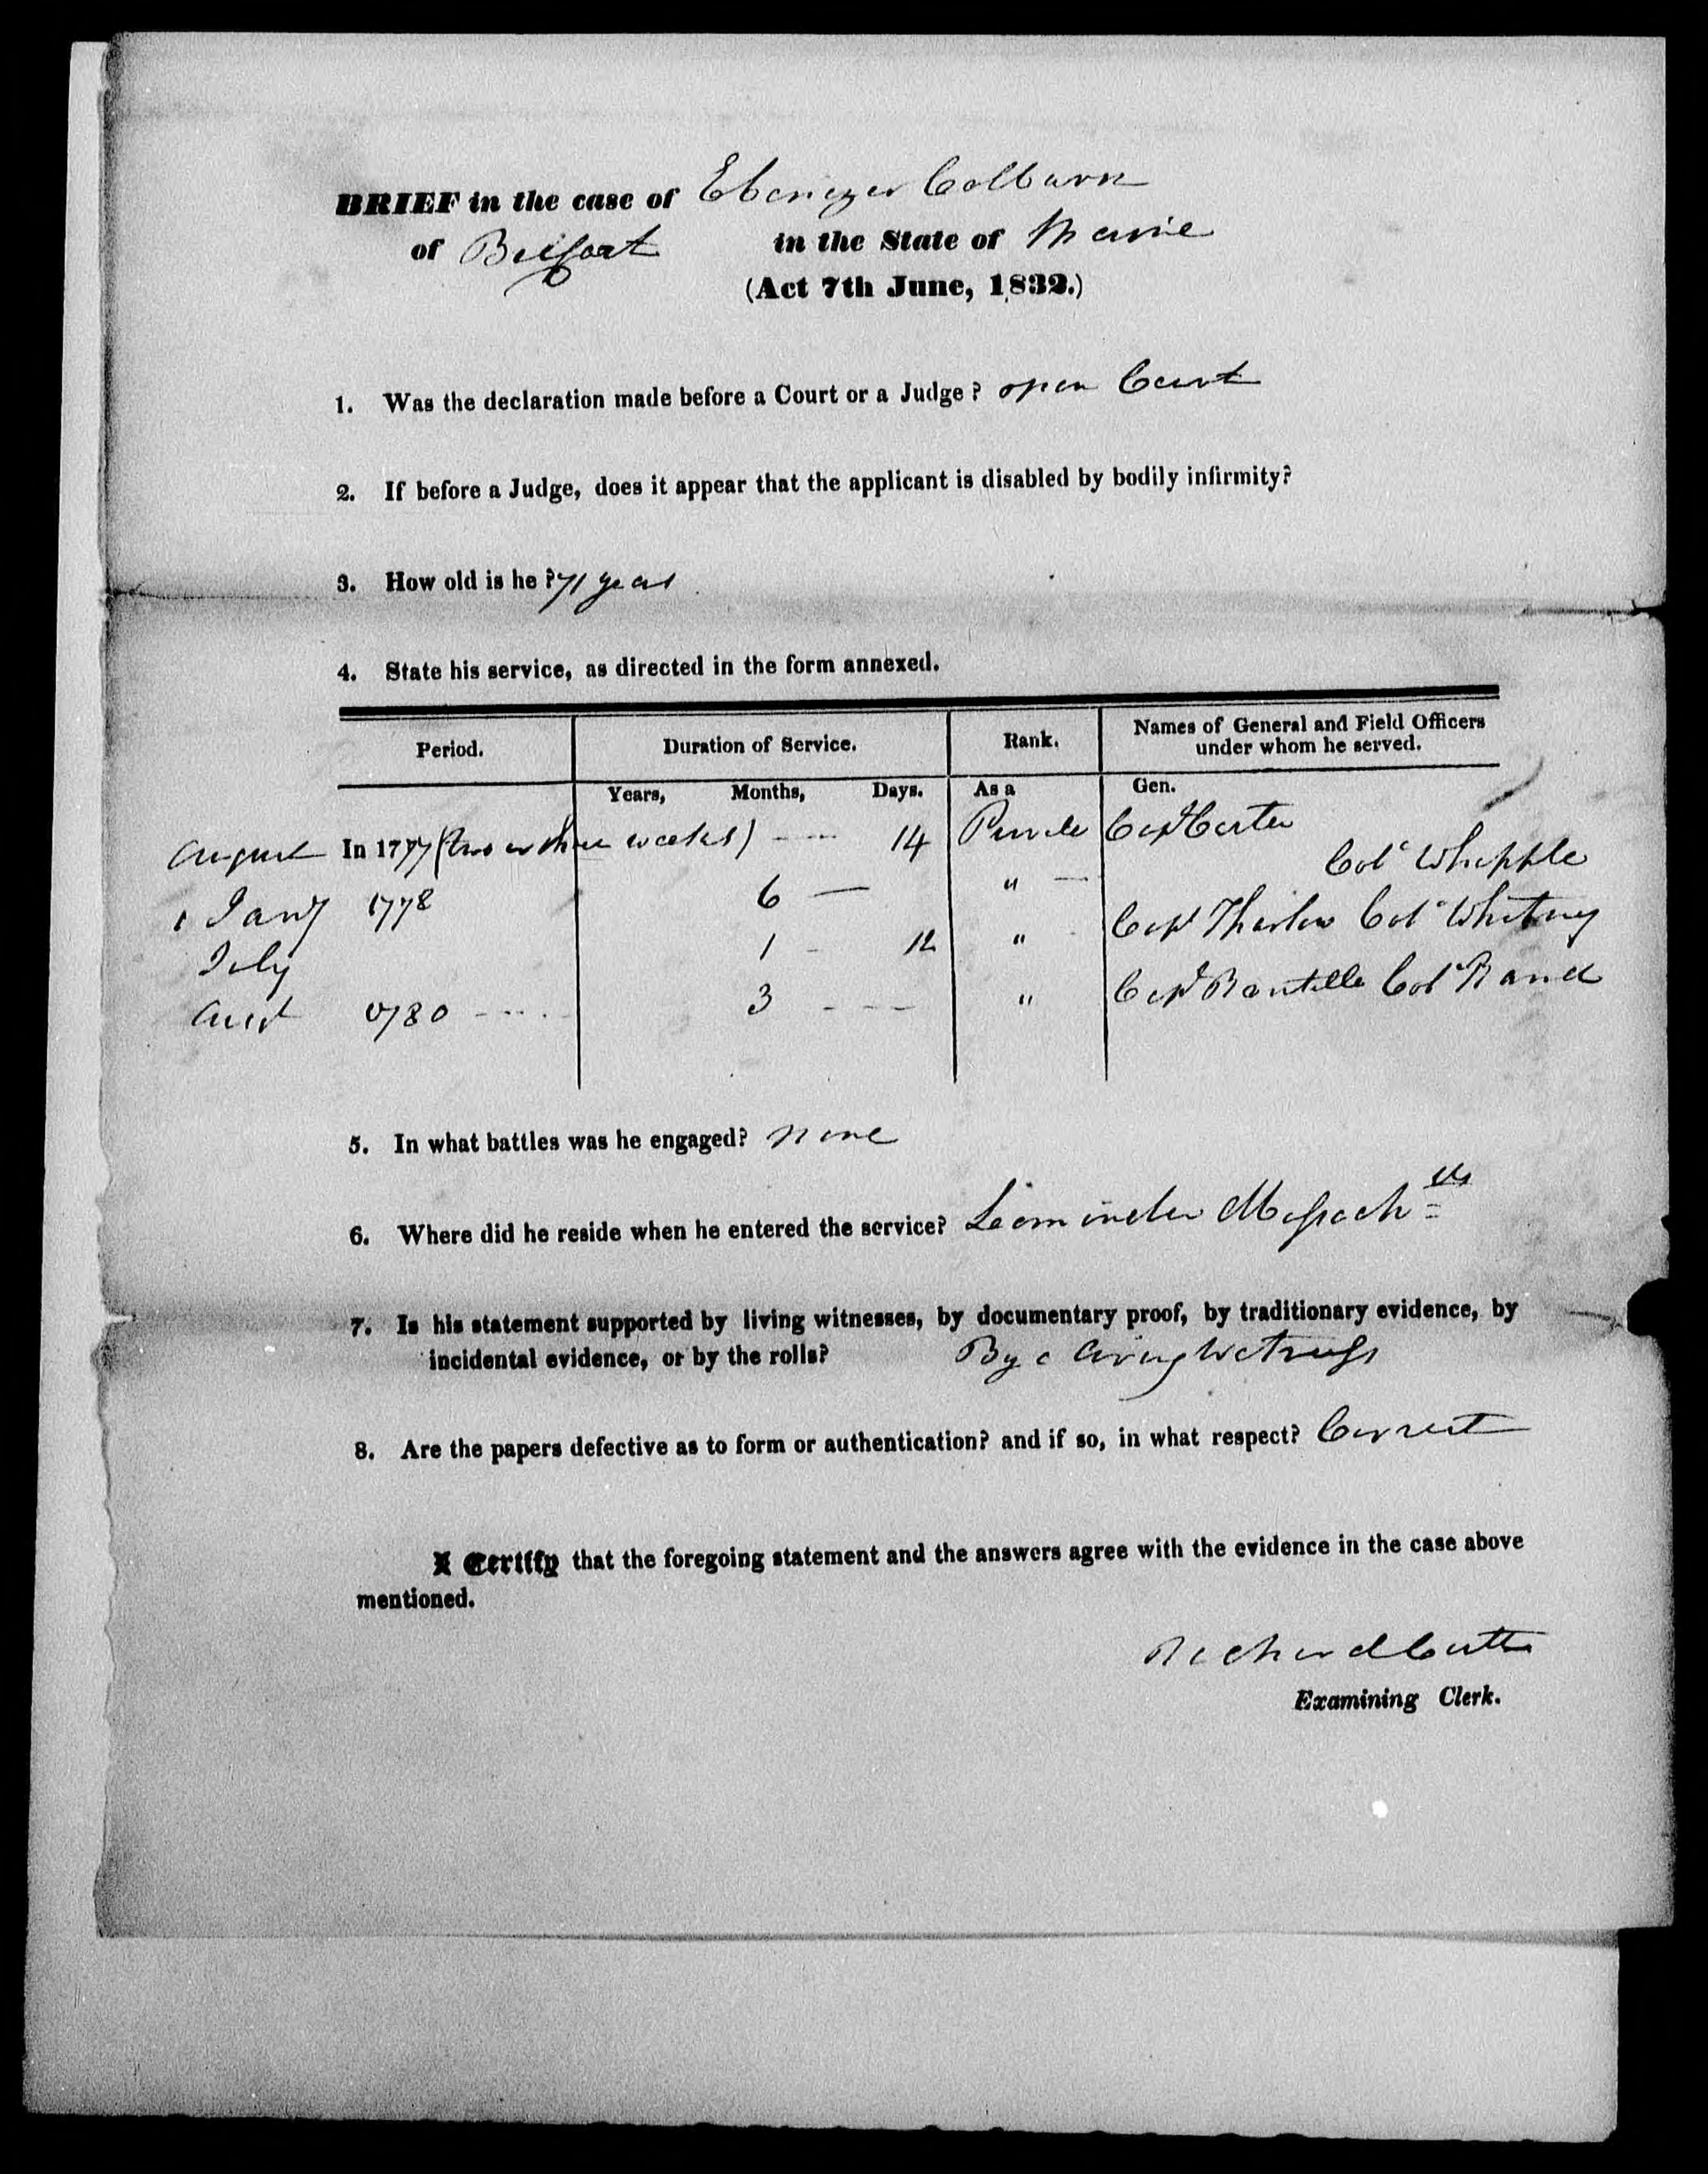BRIEF in the case of Ebenezer Colburn
of Belfast
Ebenezer Collon
in the State of Maine
(Act 7th June, 1832.)
1. Was the declaration made before a Court or a Judge? Open Court

2. If before a Judge, does it appear that the applicant is disabled by bodily infirmity?

3. How old is he? 71 year

4. State his service, as directed in the form annexed.
Period.
August In 1777 [illegible]
Jany 1778
July
Aust 1780

Duration of Service.
Years, Months, Days.
0 -6-14
0-1-12
0-3-
Rank.
As a
Private
"
"
"
Names of General and Field Officers
under whom he served.
Capt.Carter
Copperter
Col Whipple
Capt (?) Col Whitney
Capt Bantille Col Rand

5. In what battles was he engaged? None

6. Where did he reside when he entered the service? Leominster Massachusetts

7. Is his statement supported by living witnesses, by documentary proof, by traditionary evidence
incidental evidence, or by the rolls?
By Living Witness

8. Are the papers defective as to form or authentication? and if so, in what respect? Correct

Certify that the foregoing statement and the answers agree with the evidence in the case above
mentioned.
Richard Cutts
Examining Clerk.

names: Thurlow, Richard Cutts, Bontelle, Rand, Whitney, Whipple, Corter, Ebenezer Colburn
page: 10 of 10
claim: survivor's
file: S. 29083, Ebenezer Colburn, Mass.